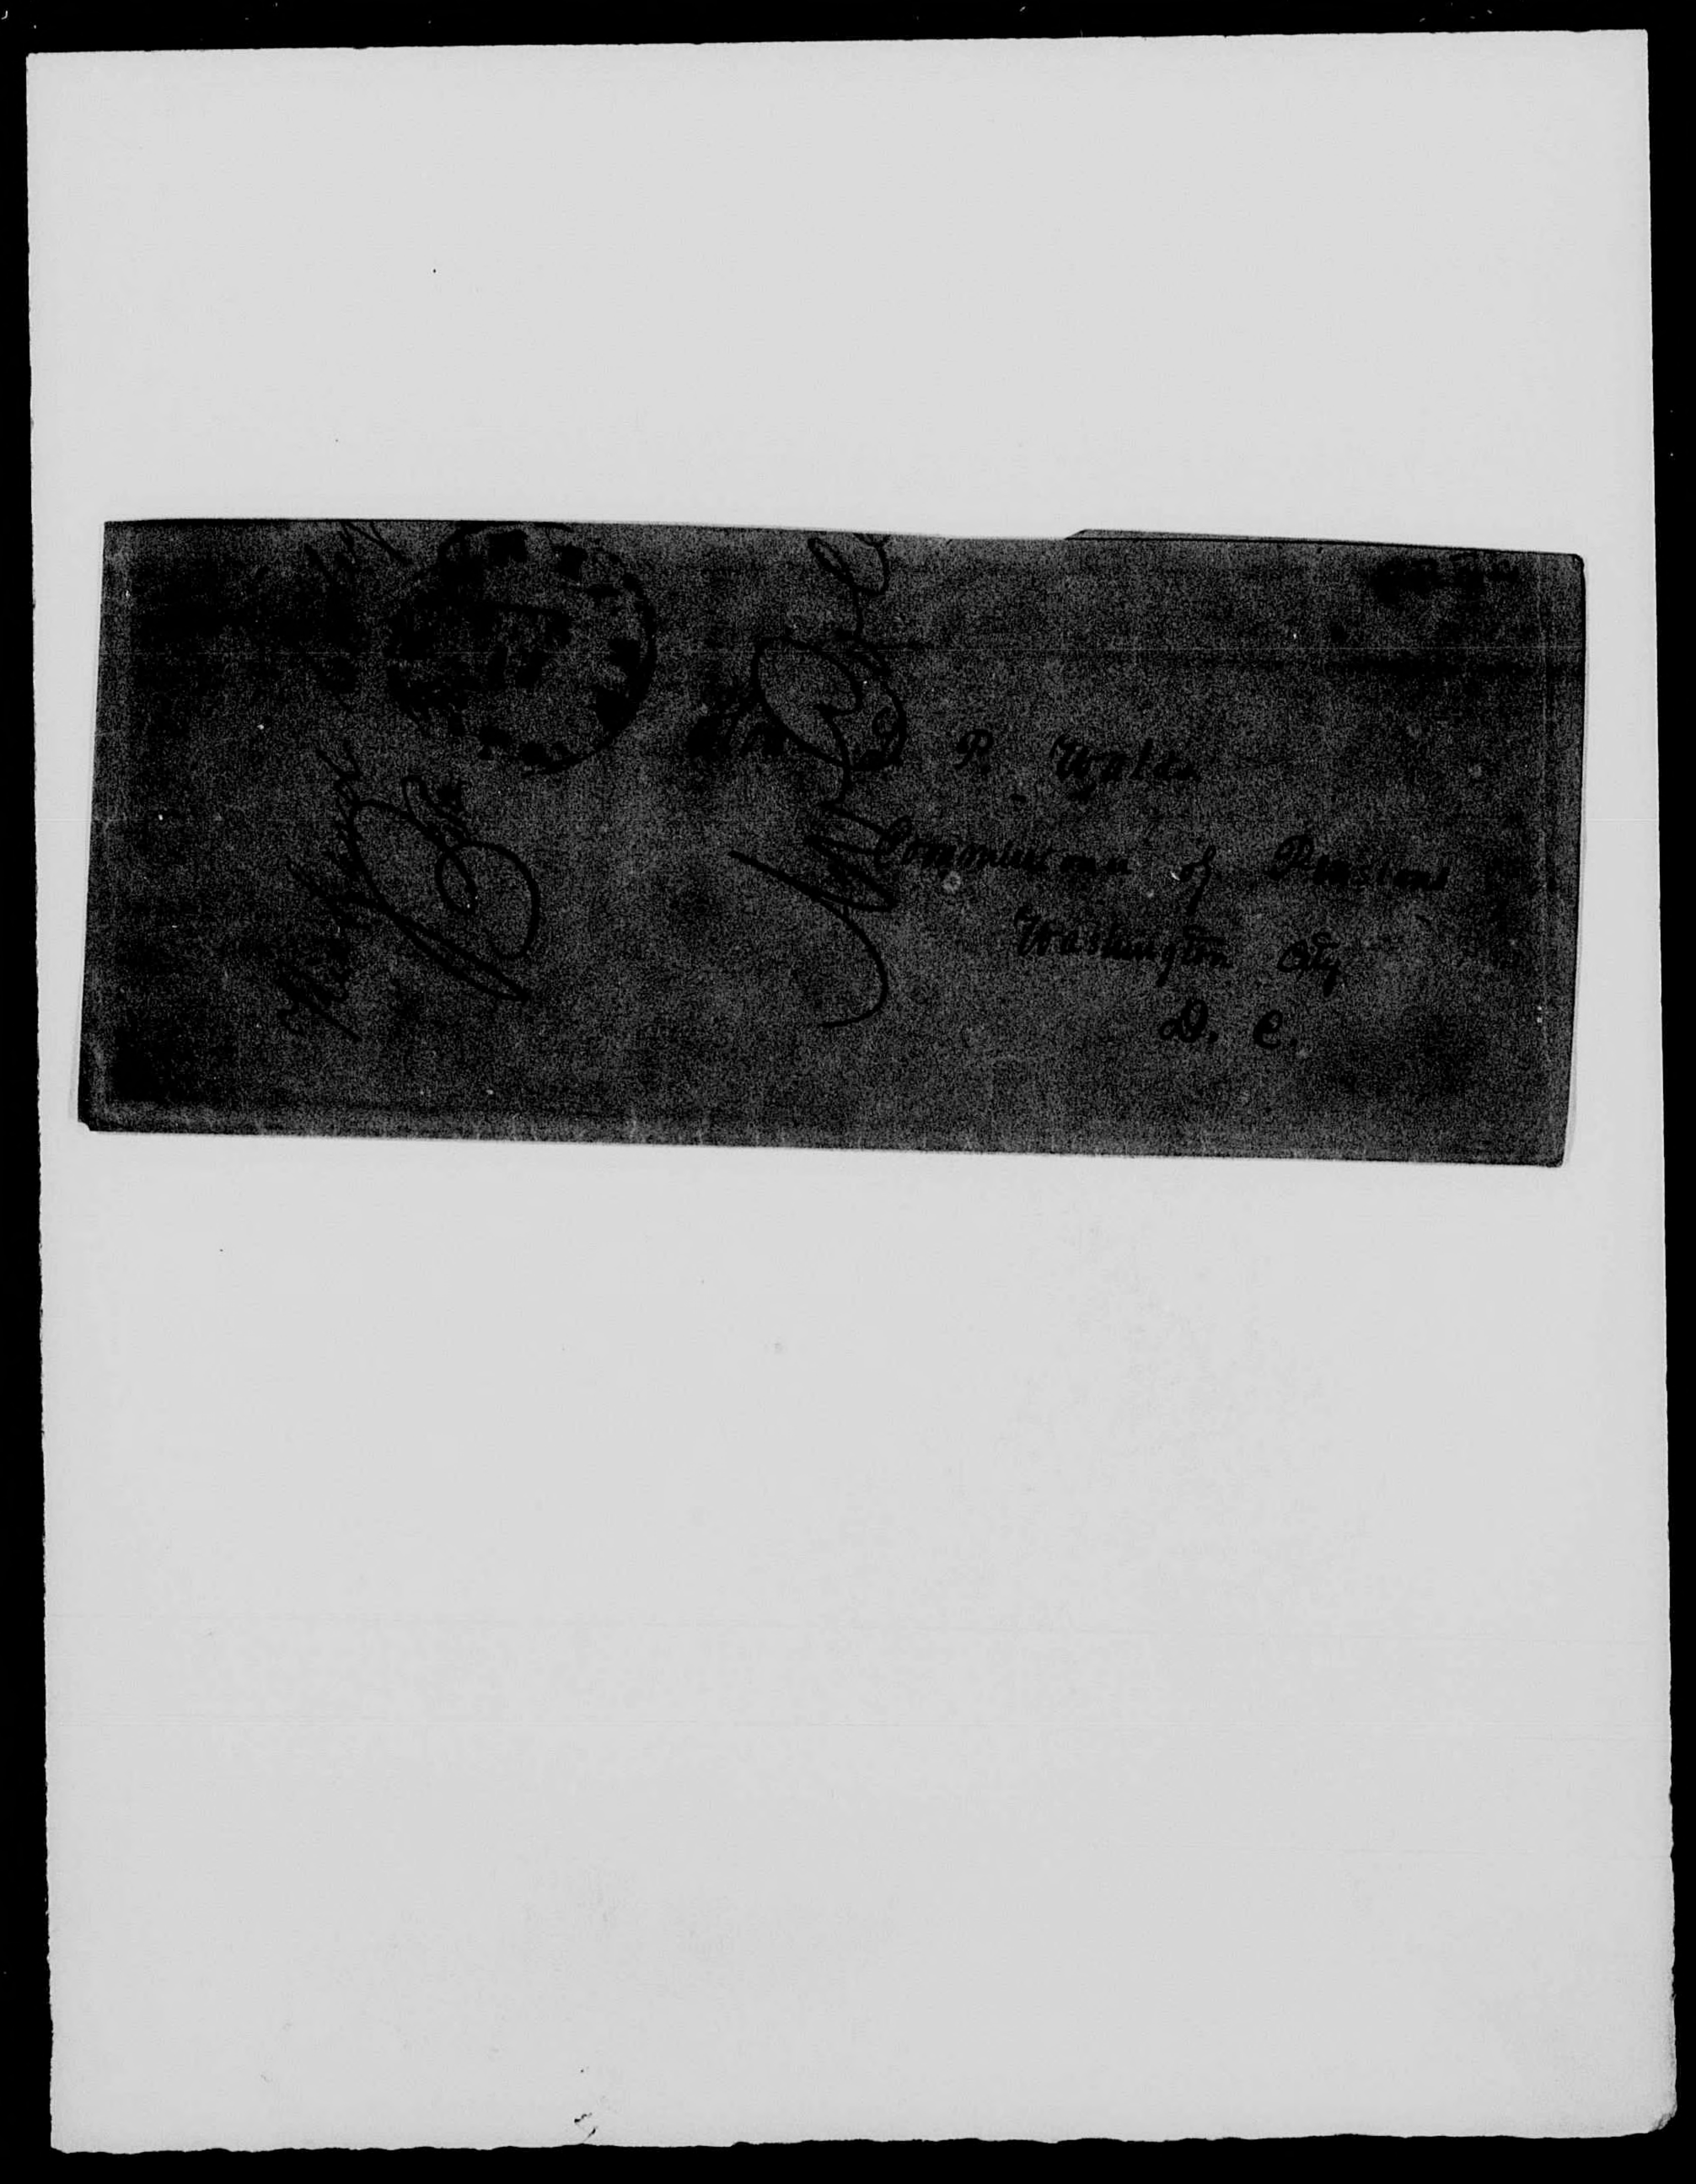[downloaded and adjusted for readability]
Free [in upper right corner]
[illegible round postmark]
[address]
Hon. L. P. Walds
Commissioner of Pensions
Washington City
D. C.

[written at right angle to above]
Richard Cooley
[illegible]
WCol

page: 16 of 19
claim: rejected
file: R. 2,283, Richard Cooley, Md.